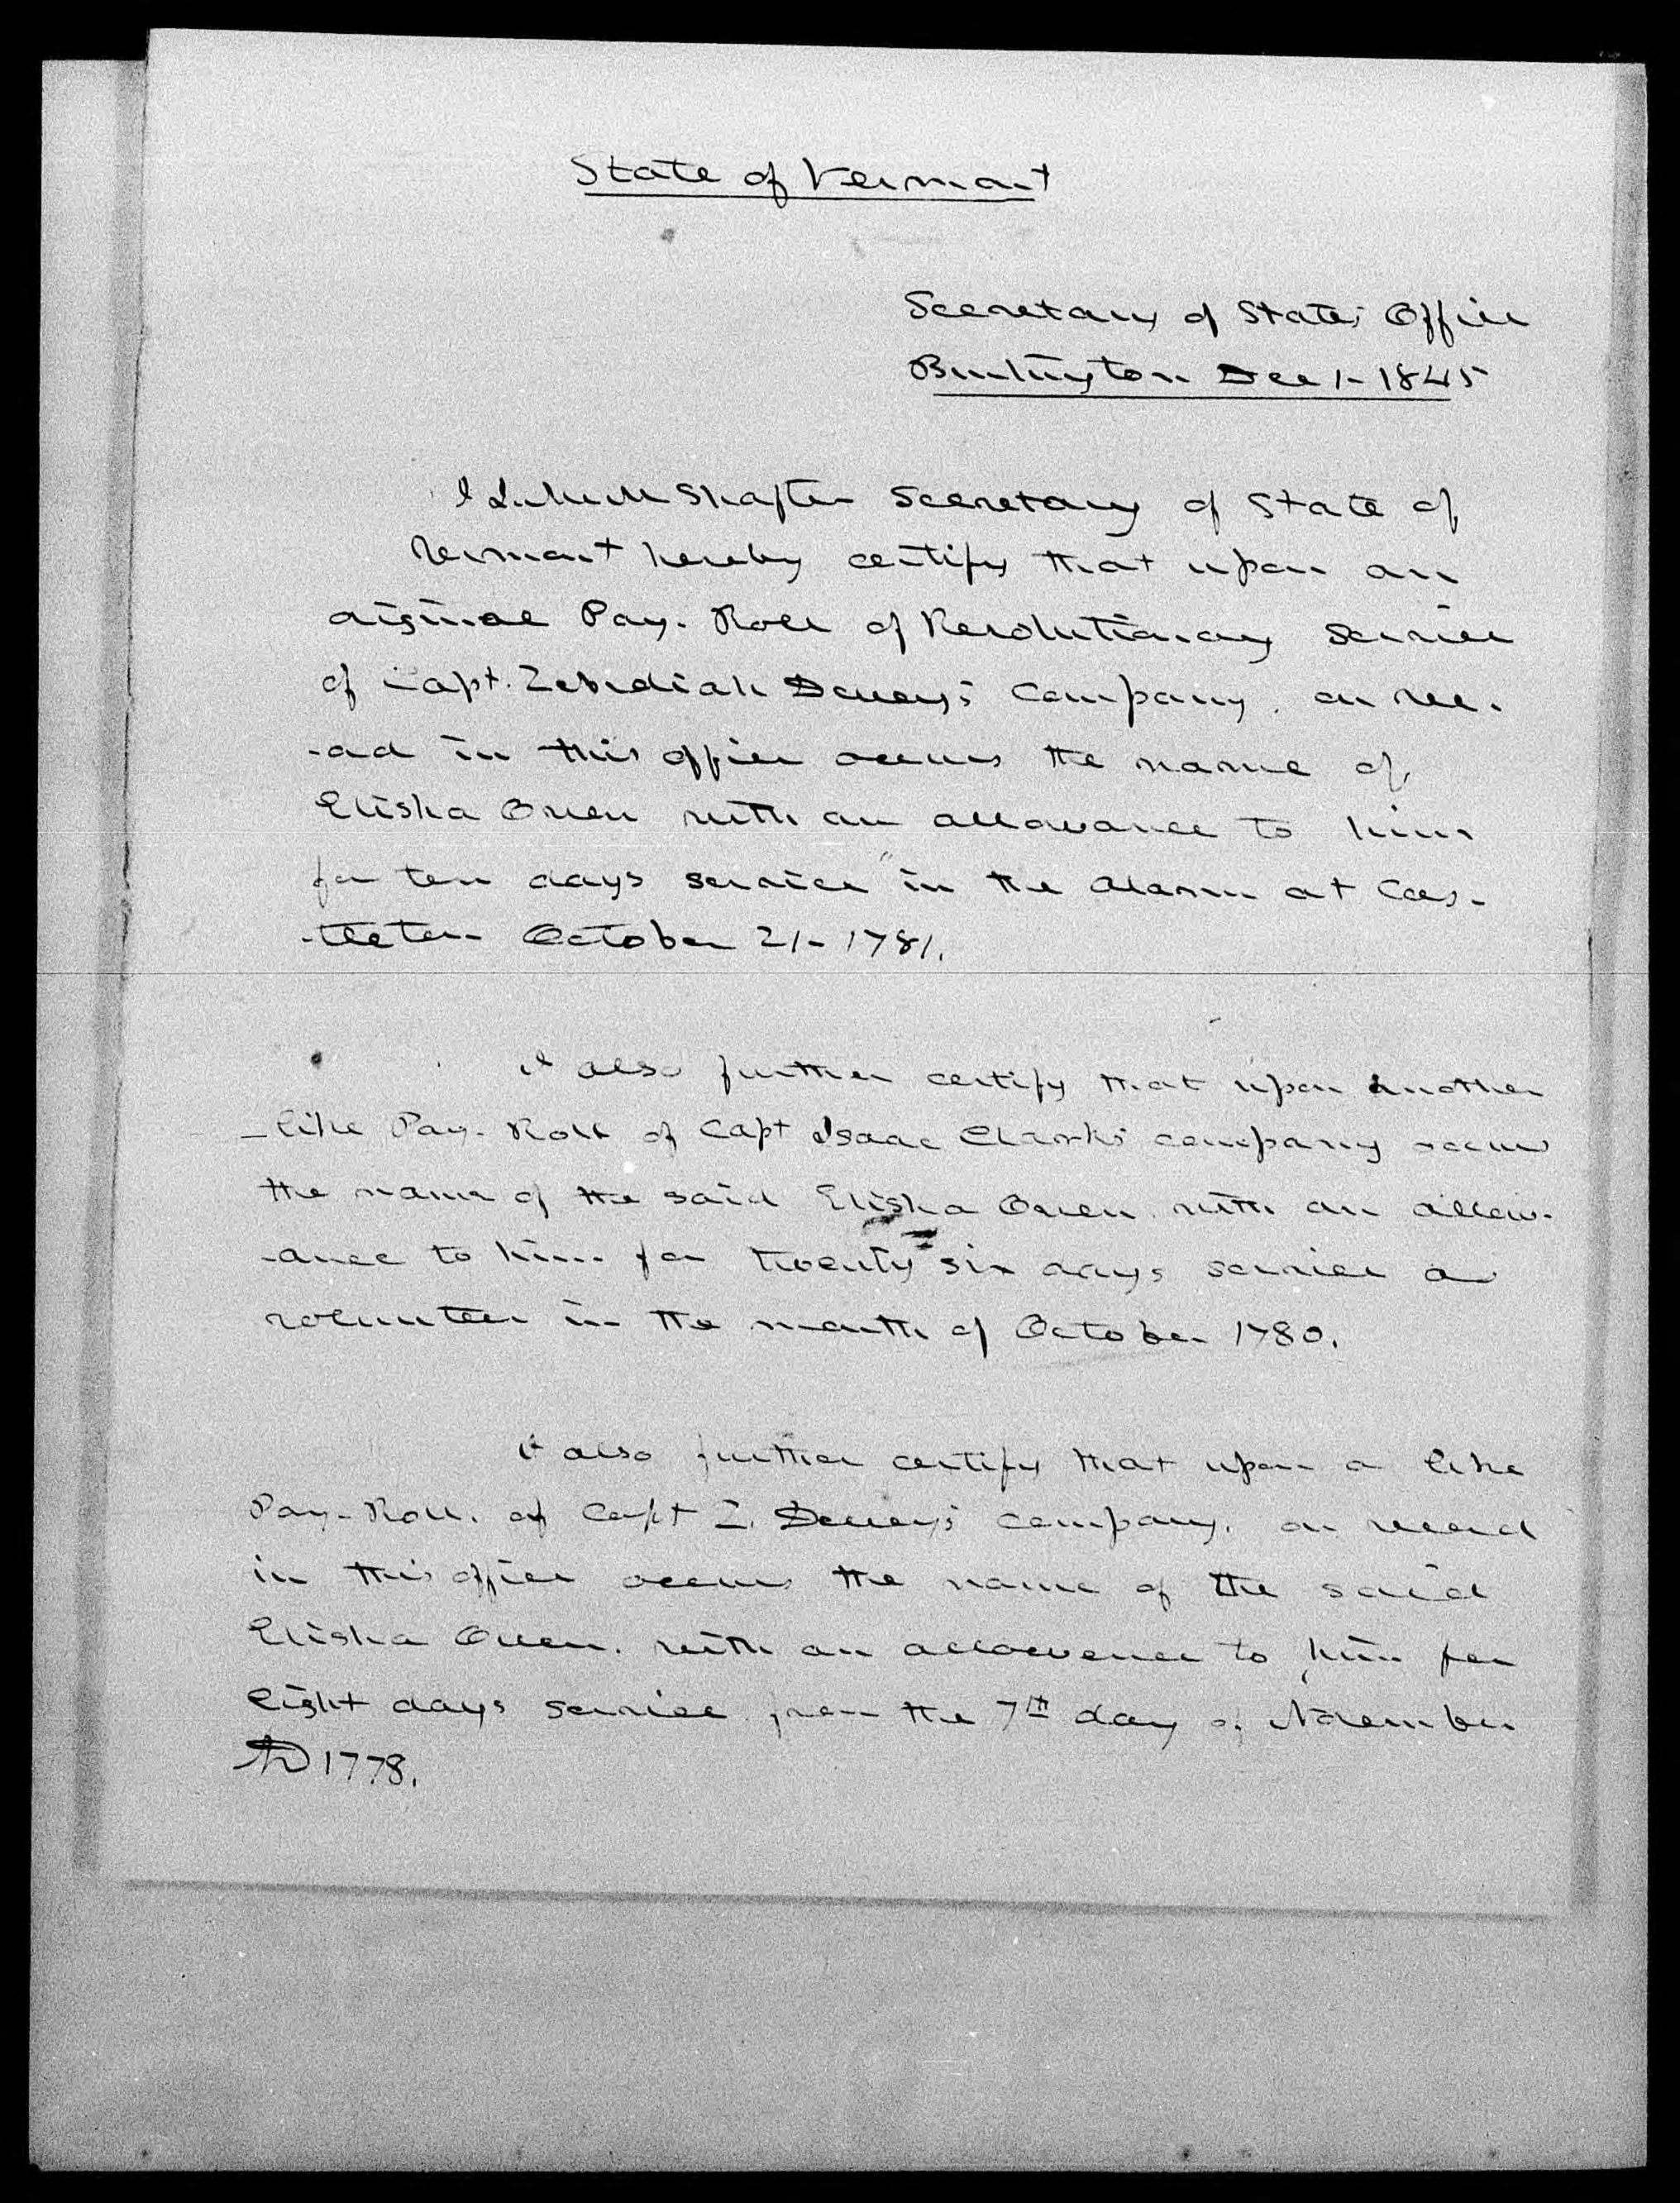[centered][underline] State of Vermont [end underline][end centering]

[right justified] Secretary of State; Office
[underline] Burlington Dec 1- 1845 [end underline][end right justified]

I [illegible] Shafter Secretary of State of Vermont hereby certify that upon an assigned Pay-Roll of Revolutionary Service of Capt. Zebediah Dewey's Company [illegible] and in this office occurs the name of Elisha Owen with an allowance to him for ten days service in the alan[illegible] at Castleton. October 21 - 1781.

I also further certify that upon another like Pay-Roll of Capt Isaac Clark's company occurs the name of the said Elisha Owen with an allowance to him for twenty six days service as volunteer in the month of October 1780.

I also further certify that upon a like Pay-Roll of Capt Z. Dewey's company on record in the office occurs the name of the said Elisha Owen, with an allowance to him for eight days service from the 7th day of November 1778.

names: J M M Shafter; Elisha Owen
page: 22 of 23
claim: survivor's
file: S 14072, for Elisha Owen, Vermont